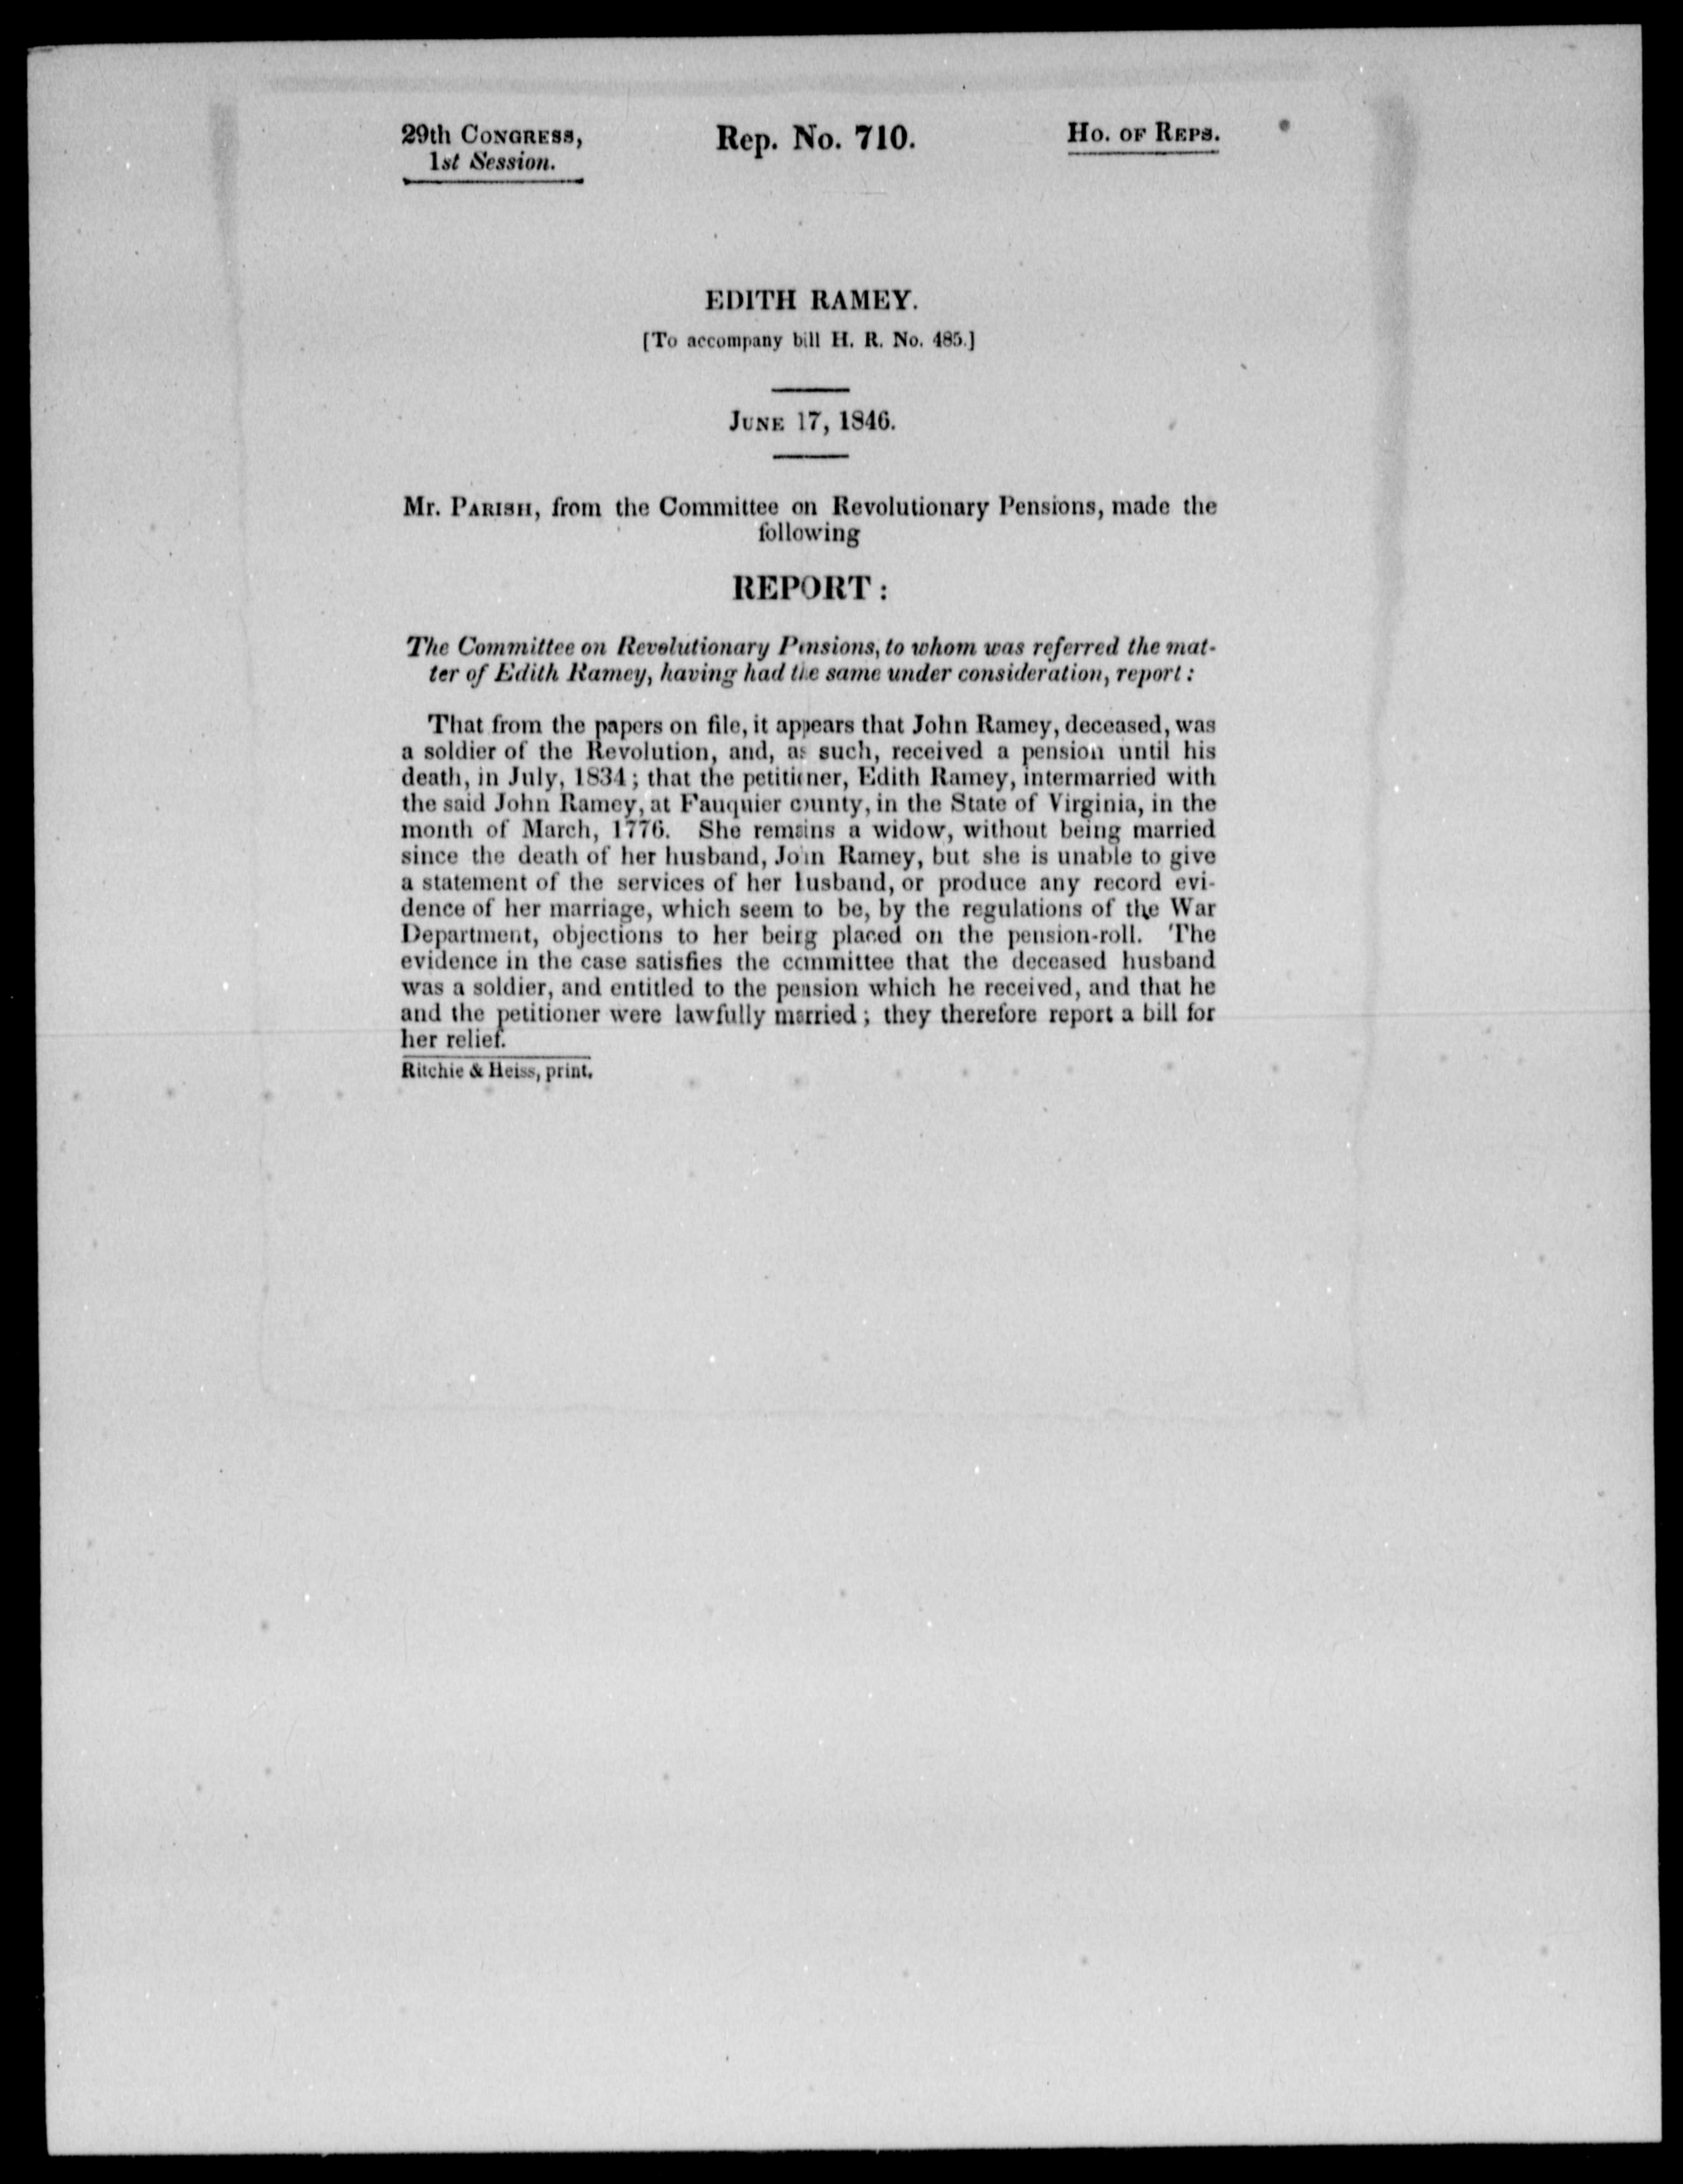29th CONGRESS, Rep. No 710. Ho. OF REPS.
1st Session.
EDITH RAMEY.
(To accompany bill H. R. No. 485.)
June 17, 1846.
Mr. PARISH, from the Committee on Revolutionary Pensions, made the following
REPORT:
The Committee on Revolutionary Pensions, to whom was referred the matter of Edith Ramey, having the same under consideration, report:
That from the papers on file, it appears that John Ramey, deceased, was a soldier of the Revolution, and, as such, received a pension until his death, in July, 1834; that the petitioner, Edith Ramey, intermarried with the said John Ramey, at Fauquier county, in the State of Virginia, in the month of March, 1776. She remains a widow, without being married since the death of her husband, John Ramey, but she is unable to give a statement of the services of her husband, or produce any record evidence of her marriage, which seems to be, by the regulations of the War Department, objections to her being placed on the pension-roll. The evidence in the case satisfies the committee that the deceased husband was a soldier, and entitled to the pension which he received, and that he and the petitioner were lawfully married; they therefore report a bill for her relief.
Ritchie & Heiss, print.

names: Edith Ramey; Edith Ramey; Edith Ramey; John Ramey; John Ramey; John Ramey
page: 27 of 84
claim: widow's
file: W.11104, for John Remay, Virginia